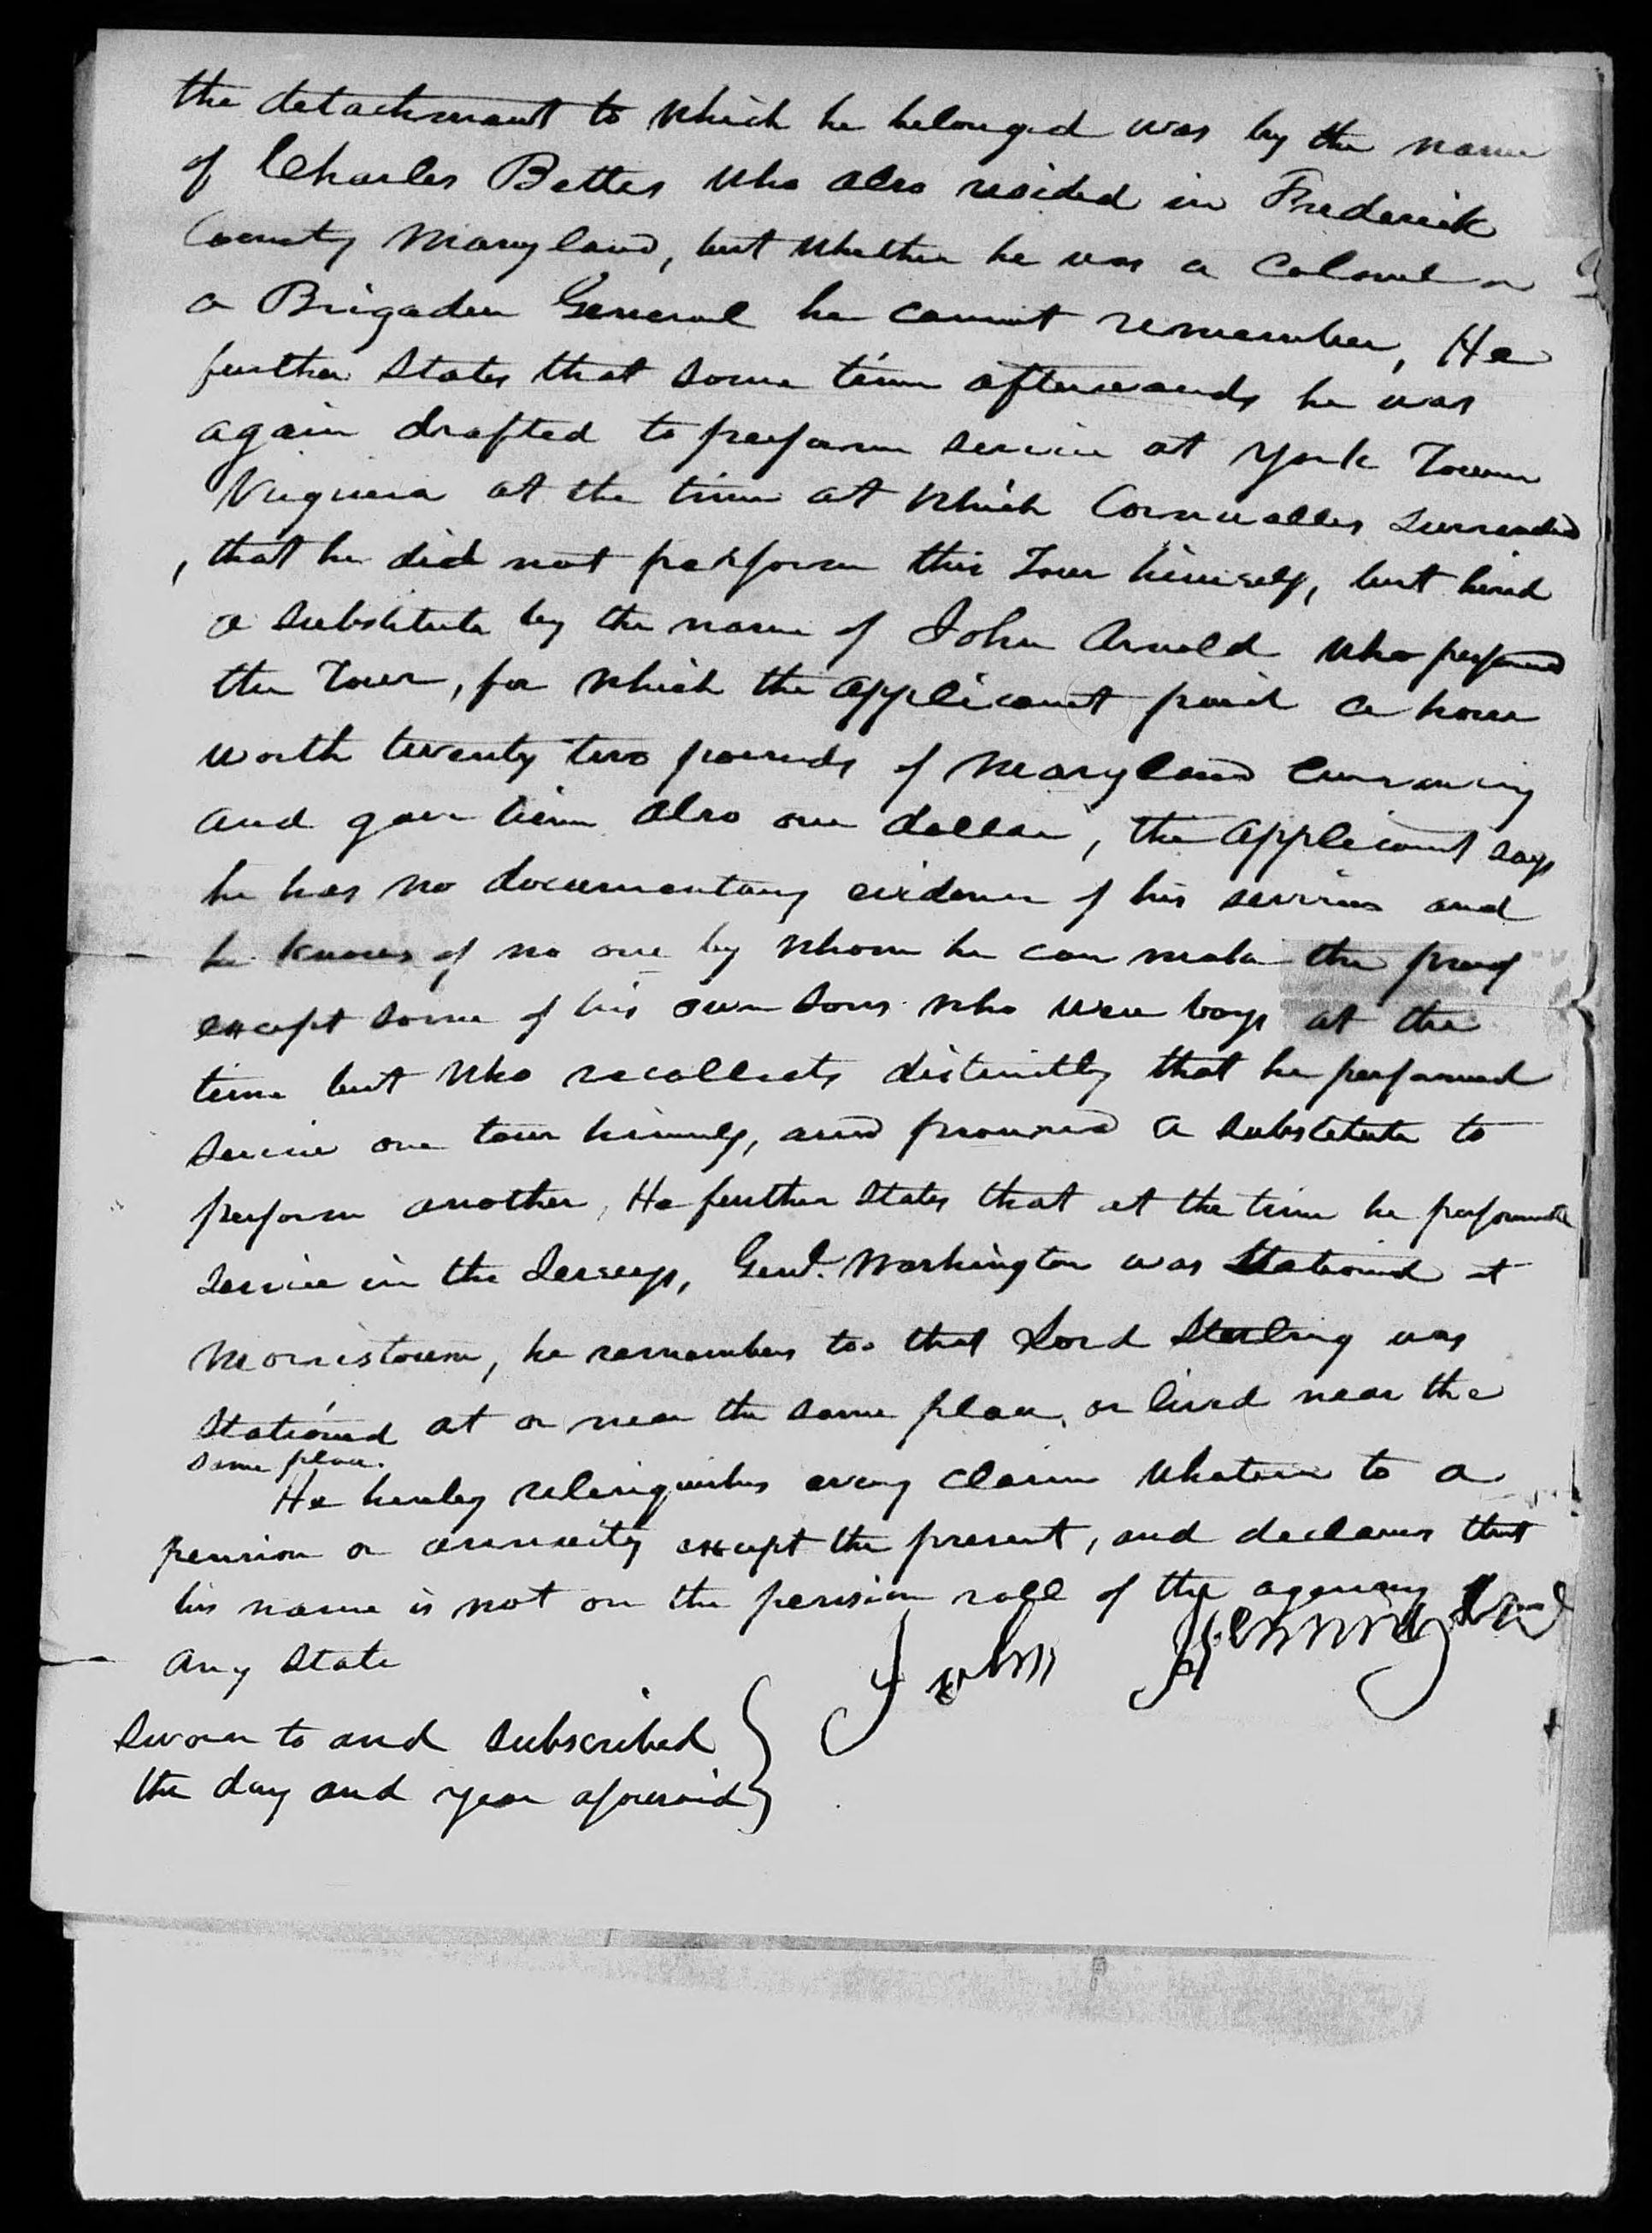the detachment to which he belonged was by the name of Charles Bettes who also resided in Frederick County Maryland, but whether he was a Colonel or a Brigadier General he cannot remember. He further states that sometime afterwards he was again drafted to perform service at York Town Virginia at the time at which Cornwallis surrendered, that he did not perform this tour himself, but hired a substitute by the name of John Arnold who performed the tour, for which the applicant paid a sum worth twenty two pounds of Maryland currency and gave him also one dollar, the applicant says he has no documentary evidence of his services and he knows of no one by whom he can make the proof except some of his own sons who were boys at the time but who recollects distinctly that he performed service one tour himself and provided a substitute to perform another. He further states that at the time he performed service in the Hersey, Gen Washington was stationed at Morristown, he remembers too that Lord Sterling was stationed at or near the same place or kind near the same place.

He hereby relinquishes every claim whatever to a pension or annuity except the present and declares that his name is not on the pension roll of the agency of any stated.

John Hennigar

Sworn to and subscribed the day and year aforesaid.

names: John Arnold, Lord Sterling, John Henning, Charles Bettes, Washington, Cornwallis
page: 4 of 18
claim: survivor's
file: S. 15,884, John Hennigar, Md.